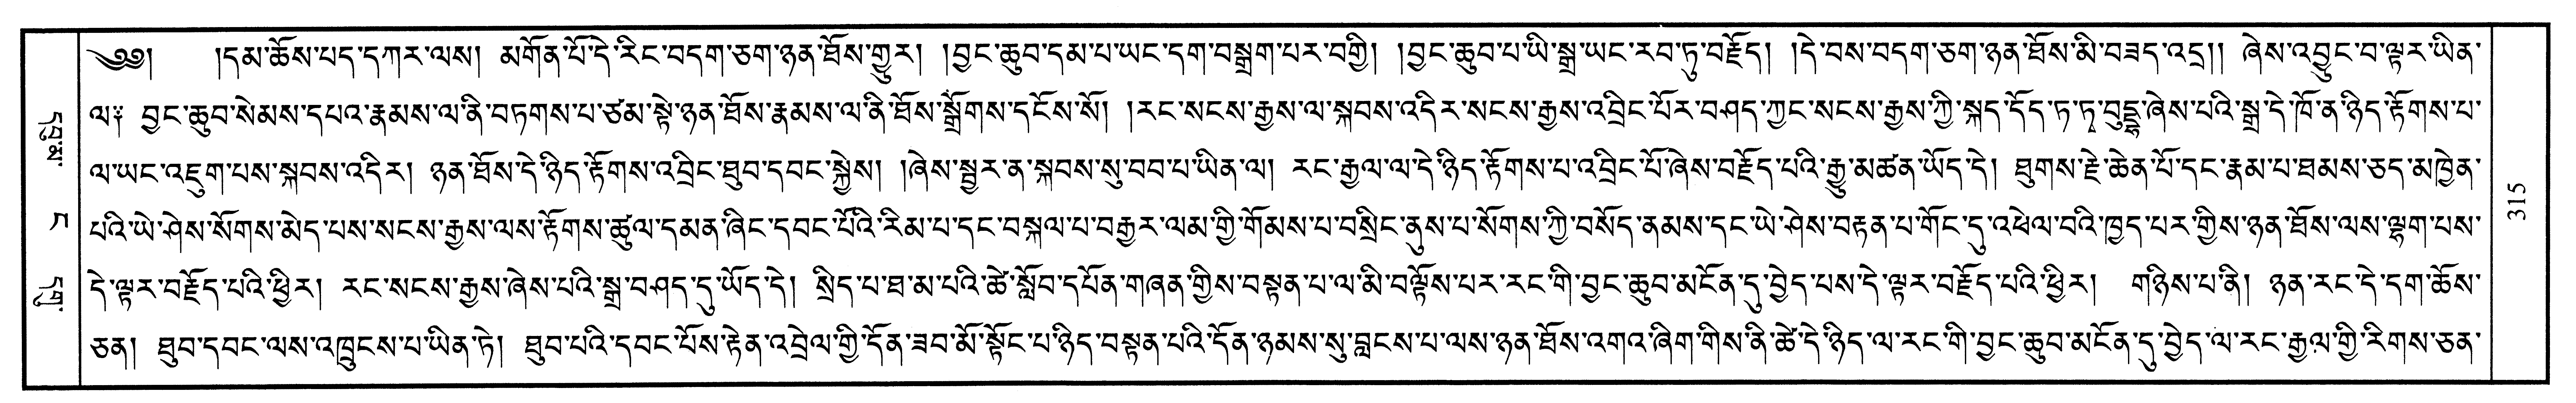༄༅། །དམ་ཆོས་པད་དཀར་ལས། མགོན་པོ་དེ་རིང་བདག་ཅག་ཉན་ཐོས་གྱུར། བྱང་ཆུབ་དམ་པ་ཡང་དག་བསྒྲག་པར་བགྱི། །བྱང་ཆུབ་པ་ཡི་སྒྲ་ཡང་རབ་ཏུ་བརྗོད། །དེ་བས་བདག་ཅག་ཉན་ཐོས་མི་བཟད་འདྲ།། ཞེས་འབྱུང་བ་ལྟར་ཡིན་
ལ༑ བྱང་ཆུབ་སེམས་དཔའ་རྣམས་ལ་ནི་བཏགས་པ་ཙམ་སྟེ་ཉན་ཐོས་རྣམས་ལ་ནི་ཐོས་སྒྲོགས་དངོས་སོ། །རང་སངས་རྒྱས་ལ་སྐབས་འདིར་སངས་རྒྱས་འབྲིང་པོར་བཤད་ཀྱང་སངས་རྒྱས་ཀྱི་སྐད་དོད་ཏ་ཏྭ་བུདྡྷ་ཞེས་པའི་སྒྲ་དེ་ཁོ་ན་ཉིད་རྟོགས་པ་
ལ་ཡང་འཇུག་པས་སྐབས་འདིར། ཉན་ཐོས་དེ་ཉིད་རྟོགས་འབྲིང་ཐུབ་དབང་སྐྱེས། །ཞེས་སྦྱར་ན་སྐབས་སུ་བབ་པ་ཡིན་ལ། རང་རྒྱལ་ལ་དེ་ཉིད་རྟོགས་པ་འབྲིང་པོ་ཞེས་བརྗོད་པའི་རྒྱུ་མཚན་ཡོད་དེ། ཐུགས་རྗེ་ཆེན་པོ་དང་རྣམ་པ་ཐམས་ཅད་མཁྱེན་
པའི་ཡེ་ཤེས་སོགས་མེད་པས་སངས་རྒྱས་ལས་རྟོགས་ཚུལ་དམན་ཞིང་དབང་པོའི་རིམ་པ་དང་བསྐལ་པ་བརྒྱར་ལམ་གྱི་གོམས་པ་བསྲིང་ནུས་པ་སོགས་ཀྱི་བསོད་ནམས་དང་ཡེ་ཤེས་བརྟན་པ་གོང་དུ་འཕེལ་བའི་ཁྱད་པར་གྱིས་ཉན་ཐོས་ལས་ལྷག་པས་
དེ་ལྟར་བརྗོད་པའི་ཕྱིར། རང་སངས་རྒྱས་ཞེས་པའི་སྒྲ་བཤད་དུ་ཡོད་དེ། སྲིད་པ་ཐ་མ་པའི་ཚེ་སློབ་དཔོན་གཞན་གྱིས་བསྟན་པ་ལ་མི་བལྟོས་པར་རང་གི་བྱང་ཆུབ་མངོན་དུ་བྱེད་པས་དེ་ལྟར་བརྗོད་པའི་ཕྱིར། གཉིས་པ་ནི། ཉན་རང་དེ་དག་ཆོས་
ཅན། ཐུབ་དབང་ལས་འཁྲུངས་པ་ཡིན་ཏེ། ཐུབ་པའི་དབང་པོས་རྟེན་འབྲེལ་གྱི་དོན་ཟབ་མོ་སྟོང་པ་ཉིད་བསྟན་པའི་དོན་ཉམས་སུ་བླངས་པ་ལས་ཉན་ཐོས་འགའ་ཞིག་གིས་ནི་ཚེ་དེ་ཉིད་ལ་རང་གི་བྱང་ཆུབ་མངོན་དུ་བྱེད་ལ་རང་རྒྱལ་གྱི་རིགས་ཅན་